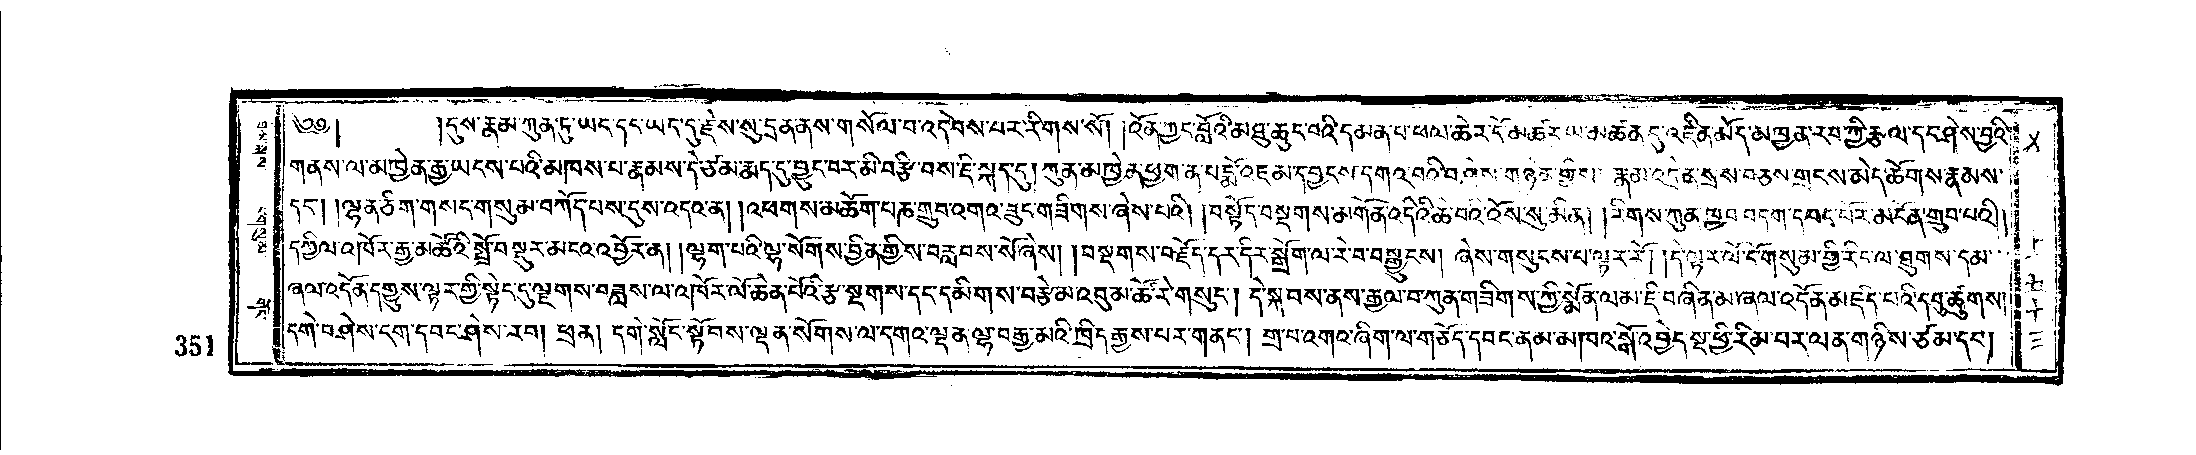༄༅། །དུས་རྣམ་ཀུན་ཏུ་ཡང་དང་ཡང་དུ་རྗེས་སུ་དྲན་ནས་གསོལ་བ་འདེབས་པར་རིགས་སོ། །འོན་ཀྱང་བློའི་མཐུ་ཆུང་བའི་དམན་པ་ཕལ་ཆེར་ངོ་མཚར་ཡ་མཚན་དུ་འཛིན་མོད་མཁྱེན་རབ་ཀྱི་རྩལ་དང་ཤེས་བྱའི་
གནས་ལ་མཁྱེན་རྒྱ་ཡངས་པའི་མཁས་པ་རྣམས་དེ་ཙམ་རྨད་དུ་བྱུང་བར་མི་བརྩི་བས་ཇི་སྐད་དུ། ཀུན་མཁྱེན་ཕྱག་ན་པདམོ་འཇམ་དབྱངས་དགའ་བའི་བཤེས་གཉེན་གྱིས། རྣམ་འདྲེན་སྲས་བཅས་གྲངས་མེད་ཚོགས?་རྣམས་
དང་། །ལྷན་ཅིག་གསང་གསུམ་བཀོད་པས་དུས་འདའ་ན། །འཕགས་མཆོག་པཎ་གྲུབ་འགའ་ཟུང་གཟིགས་ཞེས་པའི། །བསྟོད་བསྔགས་མགོན་འདིའི་ཆེ་བའི་འོས་སུ་མིན། །རིགས་ཀུན་ཁྱབ་བདག་དབང་པོར་མངོན་གྲུབ་པའི།།
དཀྱིལ་འཁོར་རྒྱ་མཚོའི་སྤྲོ་བསྡུར་མངའ་འབྱོར་ན། །ལྷག་པའི་ལྷ་སོགས་བྱིན་གྱིས་བརླབས་སོ་ཞེས། །བསྔགས་བརྗོད་དར་དིར་སྒྲོག་ལ་རེ་བ་བསྐྱུངས?། ཞེས་གསུངས་པ་ལྟར་རོ། །དེ་ལྟར་ལོ་ངོ་གསུམ་གྱི་རིང་ལ་ཐུགས་དམ་
ཞལ་འདོན་དགྱུས་ལྟར་གྱི་སྟེང་དུ་ལྗགས་བཟླས་ལ་འཁོར་ལོ་ཆེན་པོའི་རྩ་སྔགས་དང་དམིགས་བརྩེ་མ་འབུམ་ཚོ་རེ་གསུང་། དེ་སྐབས་ནས་རྒྱལ་བ་ཀུན་གཟིགས་ཀྱི་སྨོན་ལམ་ཇི་བཞིན་མ་ཞལ་འདོན་མཛད་པའི་དབུ་ཚུགས།
དགེ་བཤེས་ངག་དབང་ཤེས་རབ། ཕྲན། དགེ་སློང་སྟོབས་ལྡན་སོགས་ལ་དགའ་ལྡན་ལྷ་བརྒྱ་མའི་ཁྲིད་རྒྱས་པར་གནང་། གྲ་པ་འགའ་ཞིག་ལ་གཅོད་དབང་ནམ་མཁའ་སྒོ་འབྱེད་སྔ་ཕྱི་རིམ་པར་ལན་གཉིས་ཙམ་དང་།